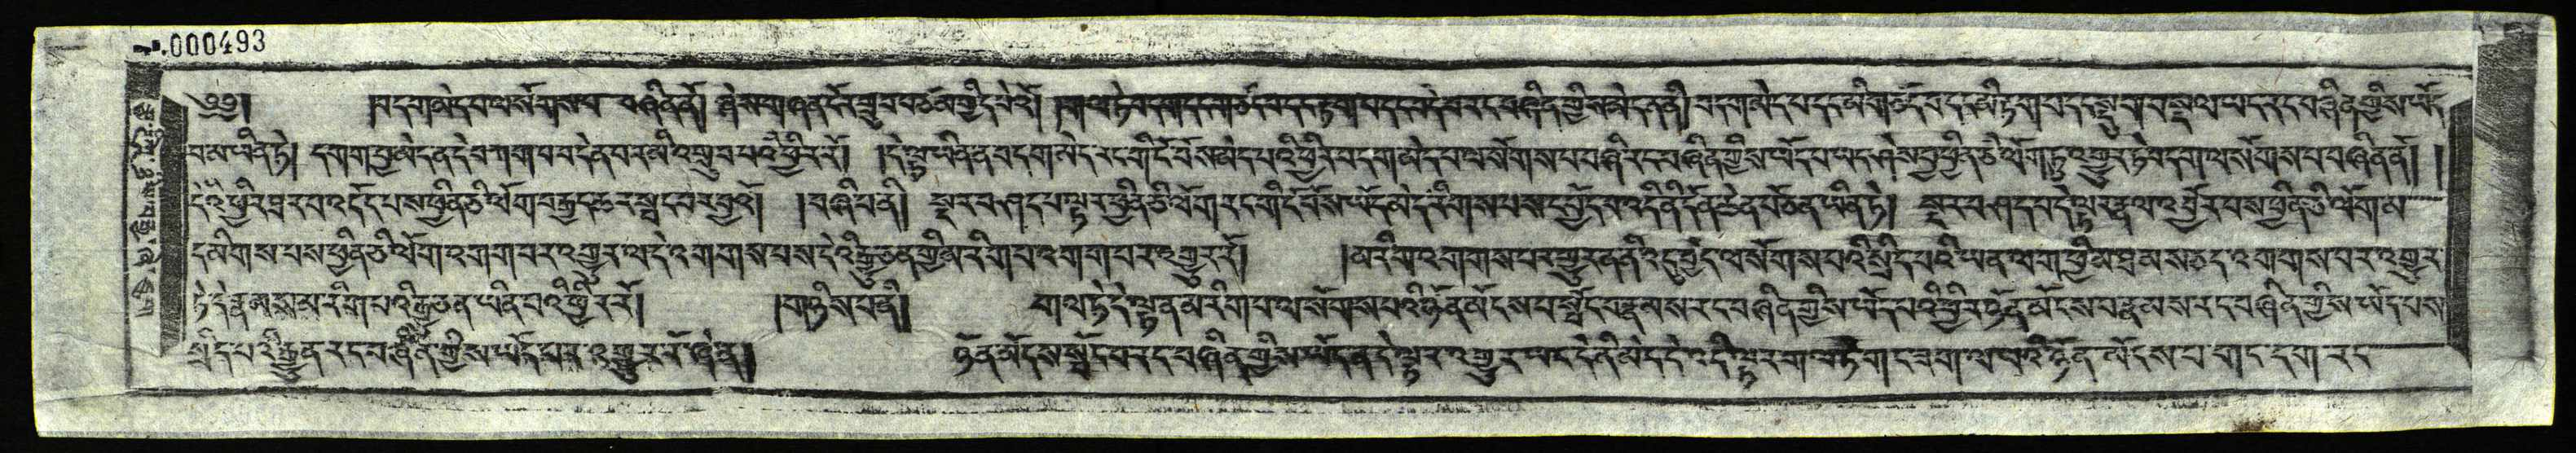༄༅། །བདག་མེད་པ་ལ་སོགས་པ་བཞིན་ནོ། ཞེས་གཞན་དོར་གྲུབ་པ་ཙམ་གྱི་དཔེའོ། །གལ་ཏེ་བདག་དང་གཙང་བ་དང་རྟག་པ་དང་བདེ་བ་རང་བཞིན་གྱིས་མེད་ན་ནི། བདག་མེད་པ་དང་མི་གཅོད་པ་དང་མི་རྟག་པ་དང་སྡུག་བསྔལ་ཡང་རང་བཞིན་གྱིས་ཡོད་
བ་མ་ཡིན་ཏེ། དགག་བྱ་མེད་ན་དེ་བཀག་པ་བདེན་པར་མི་འགྲུབ་པའི་ཕྱིར་རོ། །དེ་ལྟ་ཡིན་ན་བདག་མེད་རང་གི་ངོ་བོས་མེད་པའི་ཕྱིར་བདག་མེད་པ་ལ་སོགས་པ་བཞི་རང་བཞིན་གྱིས་ཡོད་པ་ཡང་ཤེས་བྱ་ཕྱིན་ཅི་ལོག་ཏུ་འགྱུར་ཏེ་བདག་ལ་སོགས་པ་བཞིན་ནོ། །
དེའི་ཕྱིར་ཐར་པ་འདོད་པས་ཕྱིན་ཅི་ལོག་བརྒྱད་ཆར་སྤང་བར་བྱའོ། །བཞི་པ་ནི། སྔར་བཤད་པ་ལྟར་ཕྱིན་ཅི་ལོག་རང་གི་ངོ་བོས་ཡོད་མེད་རིགས་པས་དཔྱོད་པ་འདི་ནི་དོན་ཆེན་པོ་ཅན་ཡིན་ཏེ། སྔར་བཤད་པ་དེ་ལྟར་རྣལ་འབྱོར་པས་ཕྱིན་ཅི་ལོག་མ་
དམིགས་པས་ཕྱིན་ཅི་ལོག་འགག་པར་འགྱུར་ལ་དེ་འགགས་པས་དེའི་རྒྱུ་ཅན་གྱི་མ་རིག་པ་འགག་པར་འགྱུར་རོ། །མ་རིག་འགགས་པར་གྱུར་ན་ནི་འདུ་བྱེད་ལ་སོགས་པའི་སྲིད་པའི་ཡན་ལག་ཕྱི་མ་ཐམས་ཅད་འགགས་པར་འགྱུར་
ཏེ་དེ་རྣམས་མ་རིག་པའི་རྒྱུ་ཅན་ཡིན་པའི་ཕྱིར་རོ། །གཉིས་པ་ནི། གལ་ཏེ་དེ་ལྟ་ན་མ་རིག་པ་ལ་སོགས་པའི་ཉོན་མོངས་པ་སྤོང་བ་རྣམས་རང་བཞིན་གྱིས་ཡོད་པའི་ཕྱིར་ཉོན་མོངས་པ་རྣམས་རང་བཞིན་གྱིས་ཡོད་པས་
སྲིད་པའི་རྒྱུན་རང་བཞིན་གྱིས་ཡོད་པར་འགྱུར་རོ་ཞེ་ན། ཉོན་མོངས་སྤོང་བ་རང་བཞིན་གྱིས་ཡོད་ན་དེ་ལྟར་འགྱུར་ཡང་དེ་ནི་མེད་དེ་འདི་ལྟར་གལ་ཏེ་གང་ཟག་ལ་ལའི་ཉོན་མོངས་པ་གང་དག་རང་